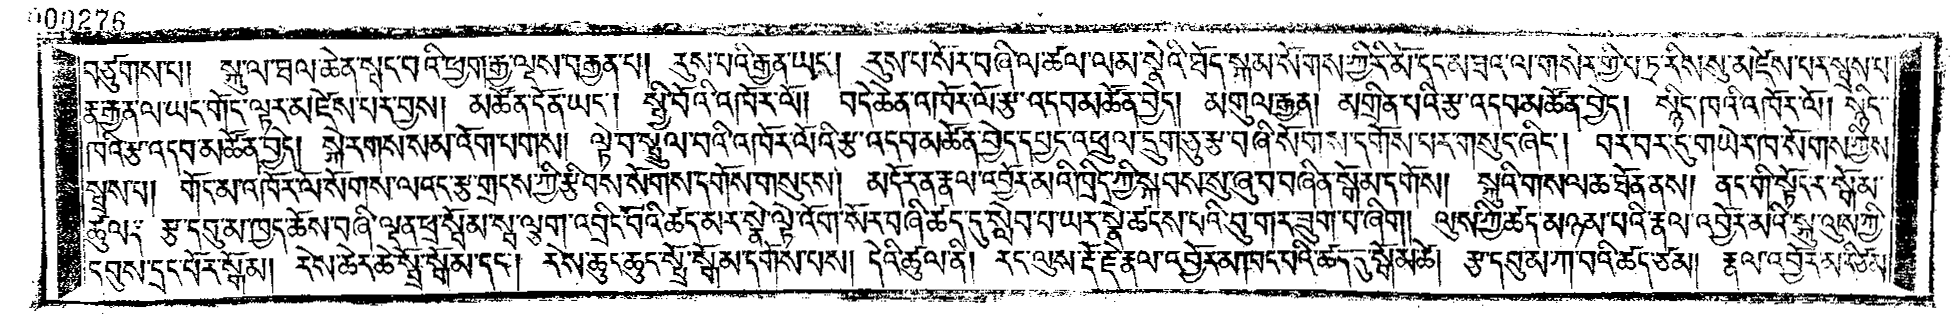བཙུགས་པ། སྐུ་ལ་ཐལ་ཆེན་སྦང་བའི་ཕྱག་རྒྱ་ལྔས་བརྒྱན་པ། རུས་པའི་རྒྱན་ཡང་། རུས་པ་སོར་བཞི་ལ་ཚལ་ལམ་སྣེའི་ཐོད་སྐམ་སོགས་ཀྱི་རི་མོ་དང་མཐའ་ལ་གསེར་གྱི་པ་ཏྲེ་རིས་སུ་མཛེས་པར་སྤྲས་པ་
རྣ་རྒྱན་ལ་ཡང་གོང་ལྟར་མཛེས་པར་བྱས། མཚོན་དོན་ཡང་། སྤྱི་བོའི་འཁོར་ལོ། བདེ་ཆེན་འཁོར་ལོ་རྩ་འདབ་མཚོན་བྱེད། མགུལ་རྒྱན། མགྲིན་པའི་རྩ་འདབ་མཚོན་བྱེད། སྙིང་ཁའི་འཁོར་ལོ། སྙིང་
ཁའི་རྩ་འདབ་མཚོན་བྱེད། སྐེ་རགས་སམ་འོག་པགས། ལྟེ་བ་སྤྲུལ་པའི་འཁོར་ལོའི་རྩ་འདབ་མཚོན་བྱེད་དཔྱང་འཕྲུལ་དྲུག་ཅུ་རྩ་བཞི་སོགས་དགོས་པར་གསུང་ཞིང་། བར་བར་དུ་གཡེར་ཁ་སོགས་ཀྱིས་
སྤྲས་པ། གོང་མ་འཁོར་ལོ་སོགས་ལའང་རྩ་གྲངས་ཀྱི་རྩིབས་སོགས་དགོས་གསུངས། མདོར་ན་རྣལ་འབྱོར་མའི་ཁྲིད་ཀྱི་སྐབས་སུ་ཞུ་བ་བཞིན་སྒོམ་དགོས། སྐུའི་གསལ་ཆ་ཐོན་ནས། ནང་གི་སྟོང་ར་སྒོམ་
ཚུལ༑ རྩ་དབུ་མ་ཁྱད་ཆོས་བཞི་ལྡན་ཕྲ་སྦོམ་སྦ་ལྕག་འབྲིང་པོའི་ཚད་མར་སྣེ་ལྟེ་འོག་སོར་བཞི་ཚད་དུ་སླེབ་པ་ཡར་སྣེ་ཚངས་པའི་བུ་གར་ཟུག་པ་ཞིག །ལུས་ཀྱི་ཚད་མཉམ་པའི་རྣལ་འབྱོར་མའི་སྐུ་ལུས་ཀྱི་
དབུས་དྲང་པོར་སྒོམ། རེས་ཆེར་ཆེ་སྤྲོ་སྒོམ་དང་། རེས་ཆུང་ཆུང་སྤྲོ་སྒོམ་དགོས་པས། དེའི་ཚུལ་ནི། རང་ལུས་རྡོ་རྗེ་རྣལ་འབྱོར་མ་ཁང་བའི་ཚད་དུ་སྒོམ་ཚེ། རྩ་དབུ་མ་ཀ་བའི་ཚད་ཙམ། རྣལ་འབྱོར་མ་རི་ཙམ་